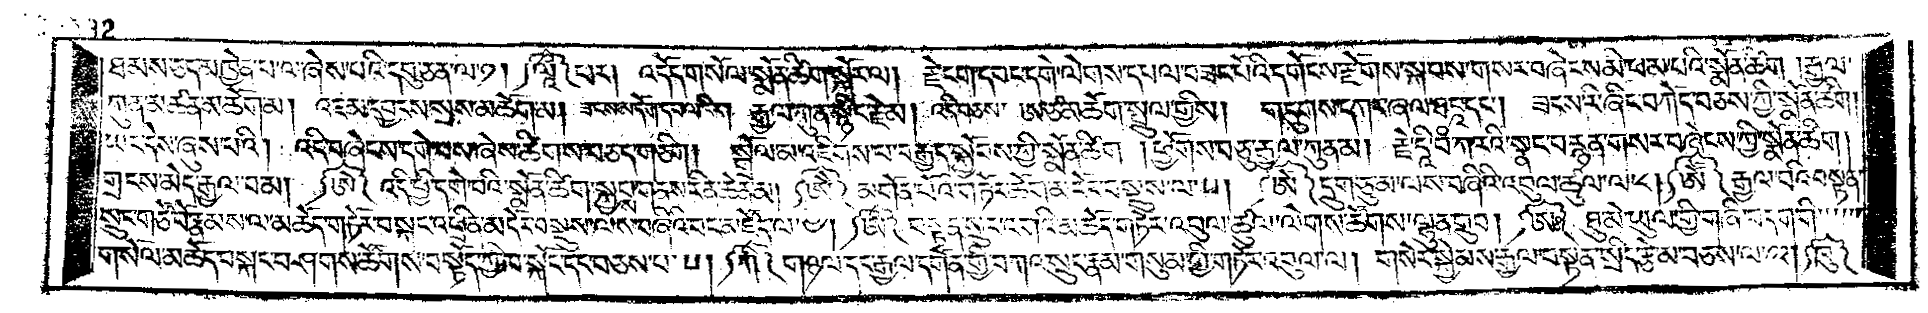ཐམས་ཅད་མཁྱེན་པ་ལ་ཞེས་པའི་དབུ་ཅན་ལ ༡། ༼ལཱྀ༽ པར། འདོད་གསོལ་སྨོན་ཚིག་སྐོར་ལ། རྗེ་ངག་དབང་དགེ་ལེགས་དཔལ་བཟང་པོའི་དགོངས་རྫོགས་སྐབས་གསར་བཞེངས་མི་ཕམ་པའི་སྨོན་ཚིག །རྒྱལ་
ཀུན་མཚན་མཆོག་མ། འཇམ་དབྱངས་སྲས་མཆོག་མ། ཟངས་མདོག་དཔལ་དིར།  རྒྱལ་ཀུན་སྙིང་རྗེ་མ། འདི་བཅས་ཨ་ཙ་མཆོག་སྤྲུལ་གྱིས། གདུགས་དཀར་ཞལ་ཐང་དང་། ཟངས་རི་ཞིང་བཀོད་བཅས་ཀྱི་སྨོན་ཚིག།
ཡང་དེས་ཞུས་པའི། འདི་བཞེངས་དགེ་བས་ཞེས་ཚིགས་བཅད་གཅིག། སྒྲོལ་མ་འཇིགས་པ་བརྒྱད་སྐྱོབས་ཀྱི་སྨོན་ཚིག །ཕྱོགས་བཅུ་རྒྱལ་ཀུན་མ། རྗེ་དཱི་བཾ་ཀ་རའི་སྣང་བརྙན་གསར་བཞེངས་ཀྱི་སྨོན་ཚིག།
གྲངས་མེད་རྒྱལ་བ་མ། ༼ཨེ༽ འདི་ཕྱི་དགེ་བའི་སྨོན་ཚིག་སྐྱབས་གནས་རིན་ཆེན་མ། ༼ཨཻ༽ མགོན་པོའི་གཏོར་ཆོག་མདོར་བསྡུས་ལ ༥། ༼ཨོ༽ དྲུག་ཅུ་མ་ལས་བཞིའི་འབུལ་ཚུལ་ལ ༨། ༼ཨཽ༽ རྒྱལ་བའི་བསྟན་
སྲུང་གཙོ་བོ་རྣམས་ལ་མཆོད་གཏོར་བསྐང་འཕྲིན་མདོར་བསྡུས་ལས་བཞིའི་བང་མཛོད་ལ ༤། ༼ཨཾ༽ བསྟན་སྲུང་འགའི་མཆོད་གཏོར་འབུལ་ཚུལ་ལེགས་ཚོགས་ལྷུན་གྲུབ། ༼ཨཿ༽ ཐུ་མེ་ཡུལ་གྱི་གཞི་བདག་གི་
གསོལ་མཆོད་བསྐང་བཤགས་ཚོགས་བསྟོད་ཀྱི་ཁ་སྐོང་དང་བཅས་པ ༥། ༼ཀི༽ གཉལ་དང་རྒྱལ་དགོན་གྱི་བཀའ་སྲུང་རྣམ་གསུམ་གྱི་གཏོར་འབུལ་ལ། གསེར་སྐྱེམས་རྒྱལ་བསྟེན་སྲིད་རྩེ་མ་བཅས་ལ ༣། ༼ཁུ༽